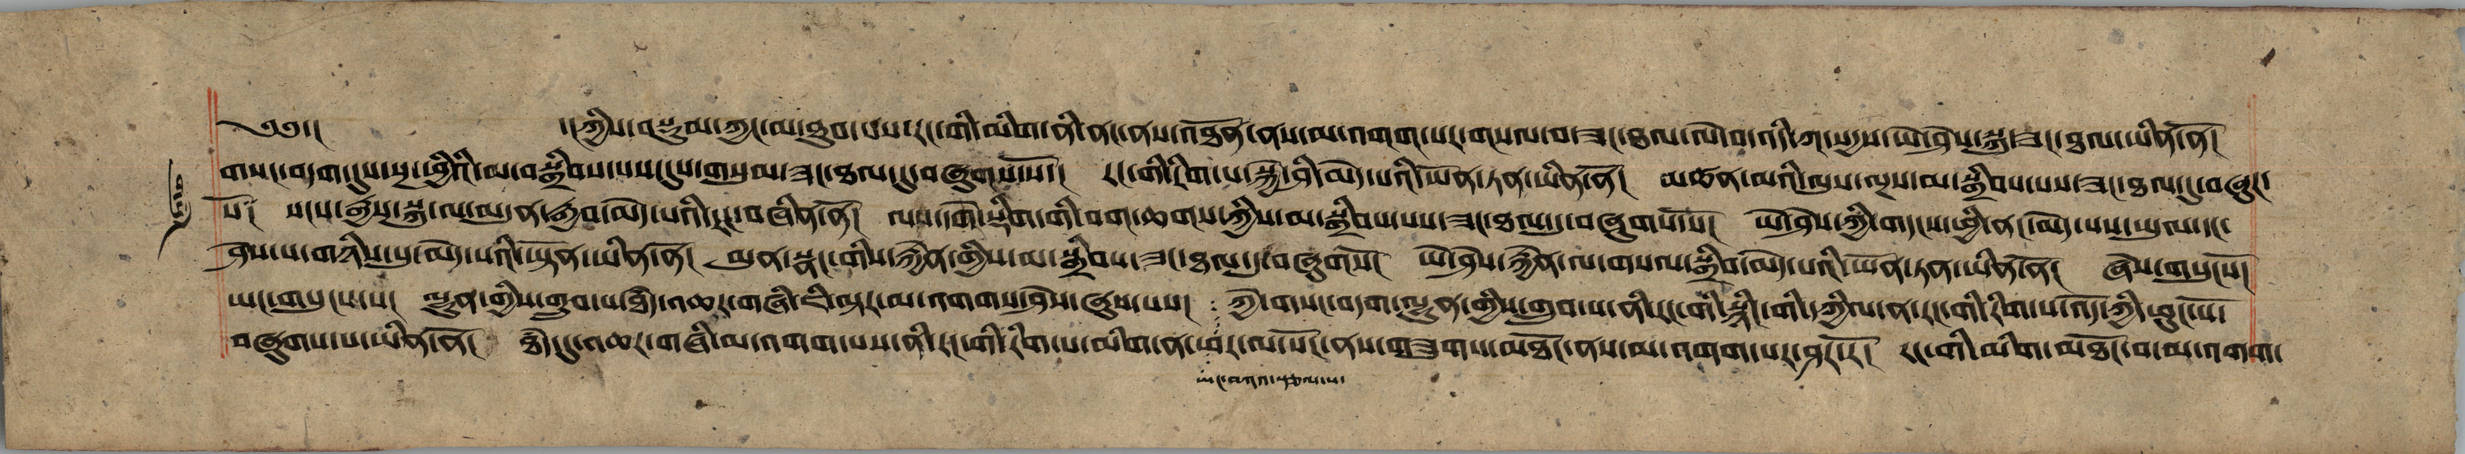༄༅་། ་།ཀྱིས་བསྡུམ་ཀྱང་མ་ཐུབ་པས་རང་གི་མིག་ནི་ནང་ནས་འཐོན་ནས་མ་འགག་པར་གསལ་བ་ཟང་ཐལ་ལེ་བ་འདི་ཀ་སདྱས་ཡེ་ཤེས་སྐུ་ཟང་ཐལ་ཡིན་ནོ།
གསང་བདག་དུས་སྔ་ཕྱིའི་མ་བསྒྲིབས་པས་དུས་གསུམ་ཟང་ཐལ་དུ་བཞུགས་སོ་། རང་གི་རིག་པ་སྐྱེ་ཤི་མེད་པའི་ཡོན་ཏན་ཡིན་ནོ། མཚན་མའི་ལུས་ལྔས་མ་སྒྲིབས་པས་ཟང་ཐལ་དུ་བཞུཌ་
སོ༑ སངས་རྒྱས་སྐུ་ལ་མདུན་རྒྱབ་མེད་པའི་རང་བཞིན་ནོ། ལས་དགེ་སྡིག་གི་བག་ཆགས་ཀྱིས་མ་སྒྲིབས་པས་ཟང་ཐལ་དུ་བཞུགས་སོ། ཡེ་ཤེས་ཀྱི་གདངས་ཕྱི་ནང་མེད་པས་ཡུལ་དང་
ཤེས་པ་གཉིས་སུ་མེད་པའི་ཡྟོན་ཡིན་ནོ། མུན་སྣང་གིས་རྐྱེན་གྱིས་མ་སྒྲིབས་ཟང་ཐལ་དུ་བཞུགསོ། ཡེ་ཤེས་རྐྱེན་ལ་གསལ་སྒྲིབ་མེད་པའི་ཡོན་ཏན་ཡིན་ནོ། ཞེས་གསུངསོ།
ཡང་གསུངས་པ། ལྷུན་གྱིས་གྲུབ་པ་ཐཾད་འཆར་གཞི་ཇི་ལྟར་མ་འགག་ཤེས་ཞུས་པས། ཀྱེ་གསང་བདག་ལྷུན་གྱིས་གྲུབ་པ་ནི་རང་གི་སྙིང་གི་དཀྱིལ་ན་རང་གི་རིག་པ་འོད་ཀྱི་ཕུང་པོ་
བཞུགས་པ་ཡིན་ནོ། ཐཾད་དུ་འཆར་གཞི་མ་འགག་པས་ནི་རང་གི་རིག་པ་མིག་ན་ཕར་ལ་སོང་ནས་གཟུགས་མཐོང་ནས་མ་འགག་པར་ཤར་རོ་། རང་གི་མིག་མཐོང་བ་མ་འགག་